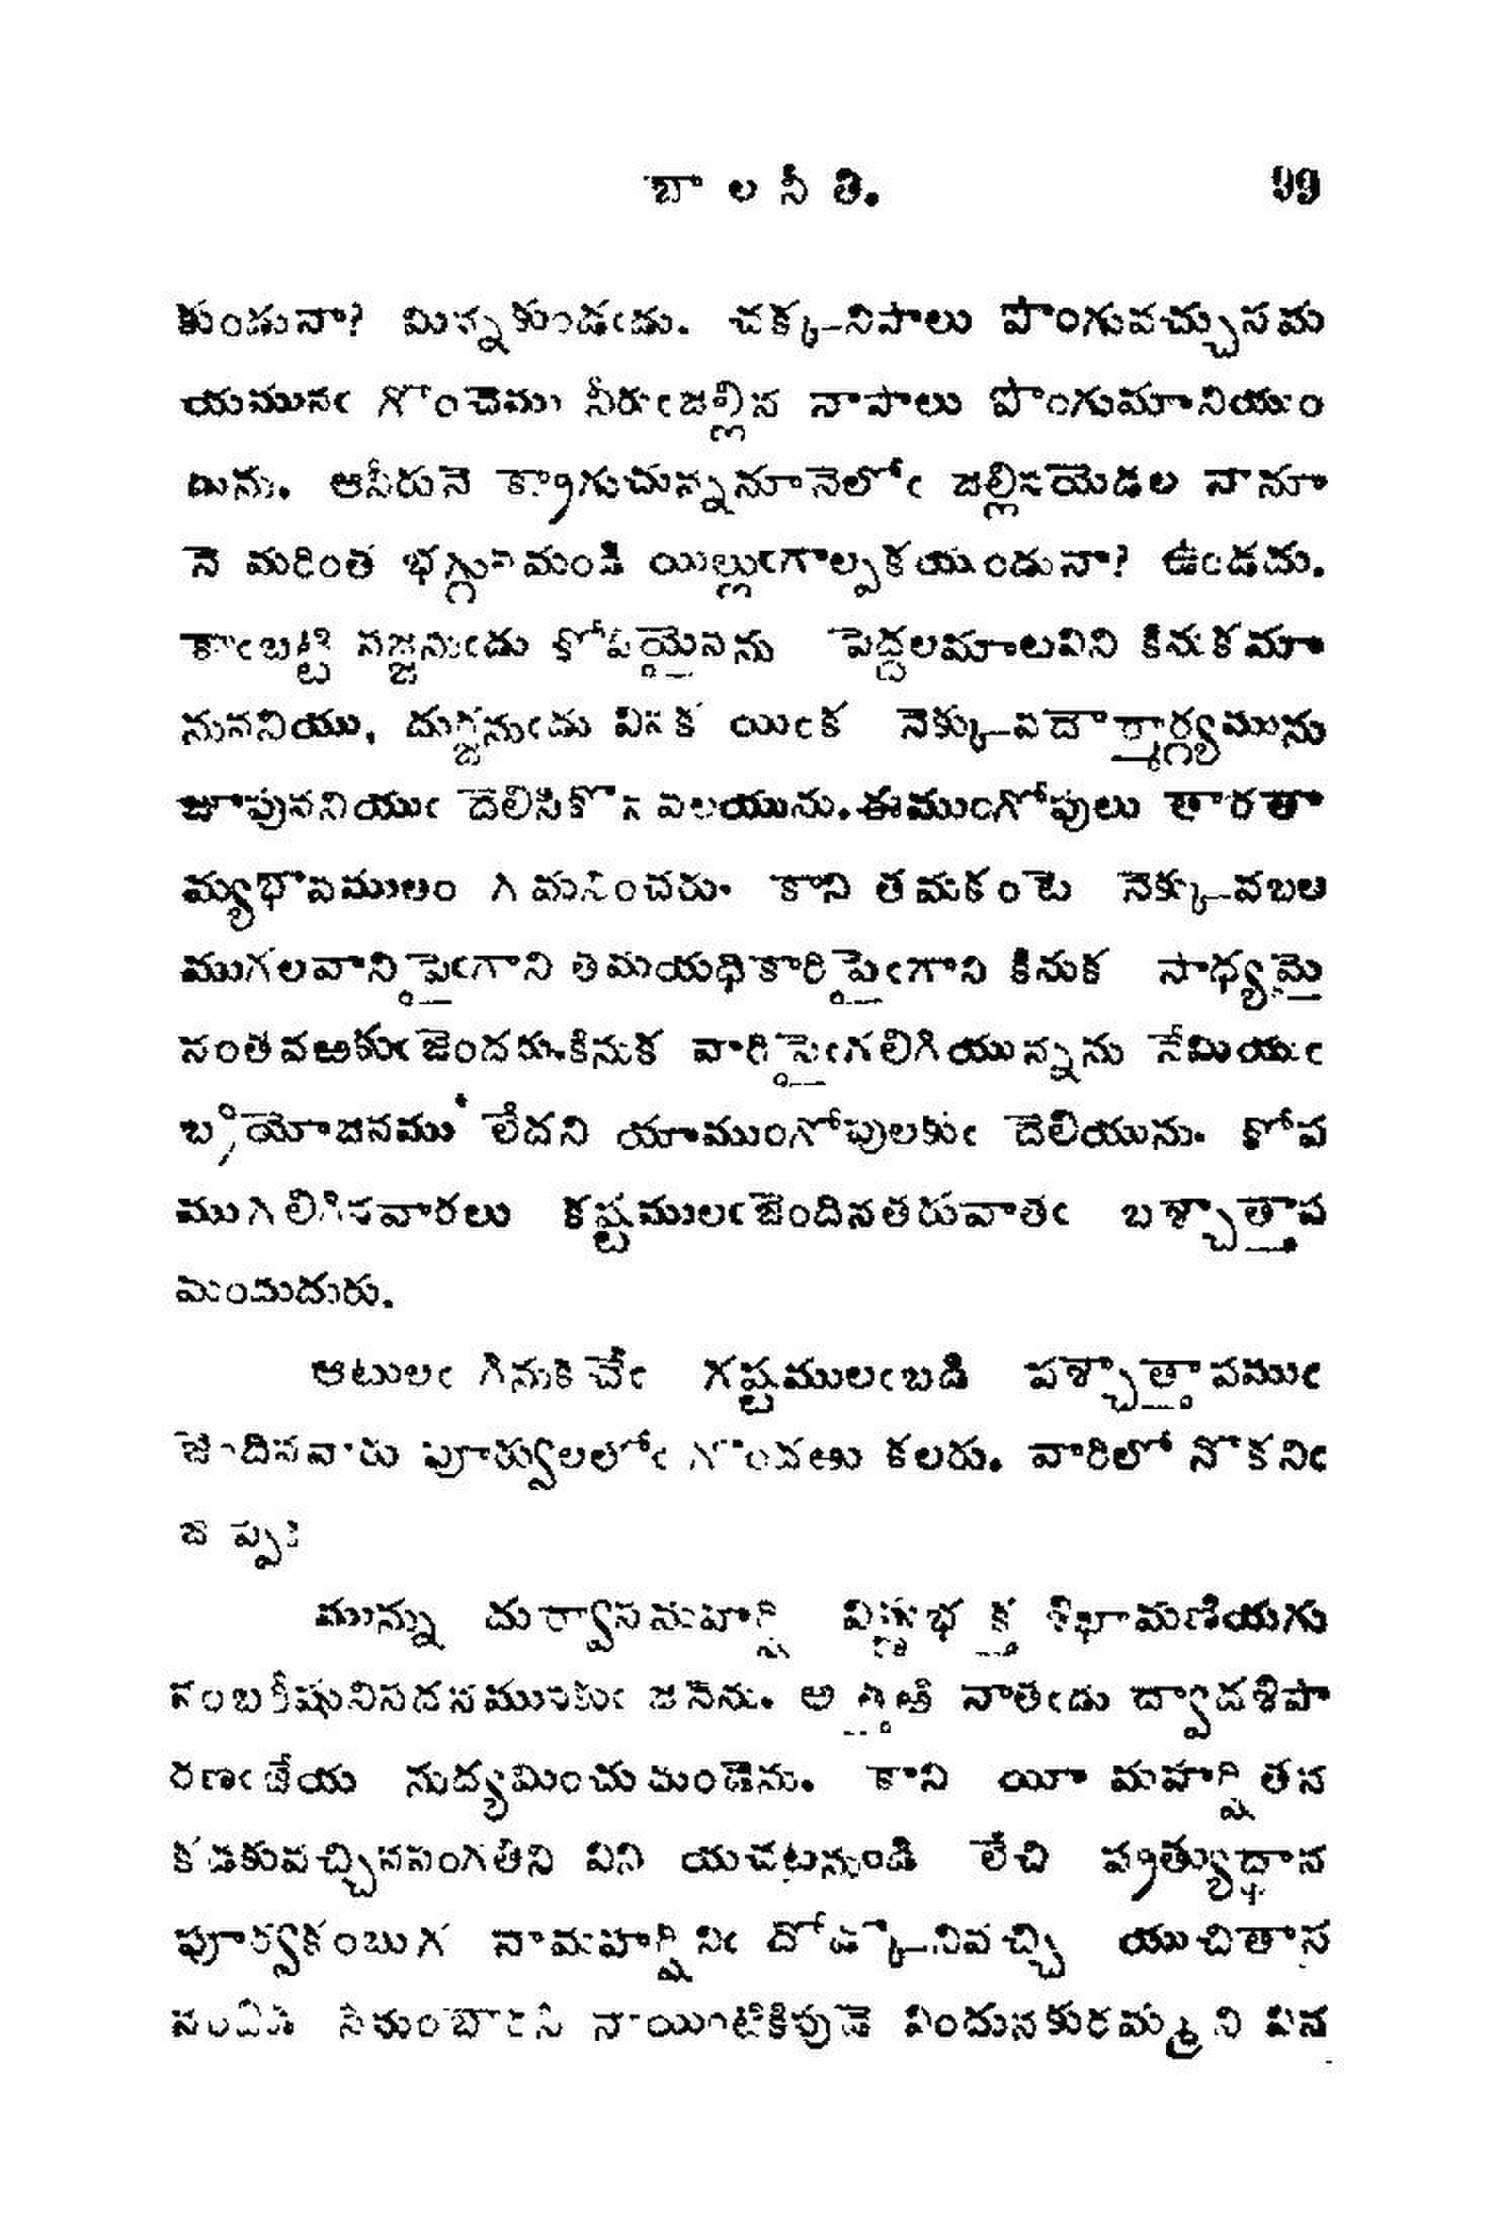కుండునా? మిన్నకుండఁడు. చక్కనిపాలు పొంగువచ్చుసమ
యమునఁ గొంచెము నీరుఁజల్లిన నాపాలు పొంగుమానియుం
డును. ఆనీరునె క్రాగుచున్ననూనెలోఁ జల్లినయెడల నానూ
నె మరింత భగ్గునమండి యిల్లుఁగాల్పకయుండునా? ఉండదు. 
కాఁబట్టి సజ్జనుఁడు కోపియైనను పెద్దలమాటవిని కినుకమా
నుననియు, దుర్జనుఁడు వినక యింక నెక్కువదౌర్మార్గ్యమును 
జూపుననియుఁ దెలిసికొనవలయును. ఈముంగొపులు తారాతా
మ్యభావములం గమనించరు. కాని తమకంటె నెక్కువబల
ముగలవానిపైఁగాని తమయధికారిపైఁగాని కినుక సాధ్యమై
నంతవఱకుఁజెందరు. కినుక వారిపైఁగలిగియున్నను నేమియుఁ 
బ్రయోజనము లేదని యాముంగోపులకుఁ దెలియును. కోప
ముగలిగినవారలు కష్టములఁజెందినతరువాతఁ బశ్చాత్తాప
మందుదురు.

అటులఁ గినుకచేఁ గష్టములఁబడి పశ్చాత్తాపముఁ 
జెందినవారు పూర్వులలోఁ గొందఱు కలరు. వారిలో నొకనిఁ 
జెప్పద.

మున్ను దుర్వాసమహర్షి విష్ణుభక్త శిఖామణియగు 
నంబరీషునిసదనమునకుఁ జనెను. అత్తఱి నాతఁడు ద్వాదశిపా
రణఁజేయ నుద్యమించుచుండెను. కాని యీ మహర్షి తన
కడకువచ్చినసంగతిని విని యచటనుండి లేచి ప్రత్యుద్ధాన 
పూర్వకంబుగ నామహర్షినిఁ దోడ్కొనివచ్చి యుచితాస
నంబిడి సేమంబారసి నాయింటికిపుడె విందునకురమ్మని విన